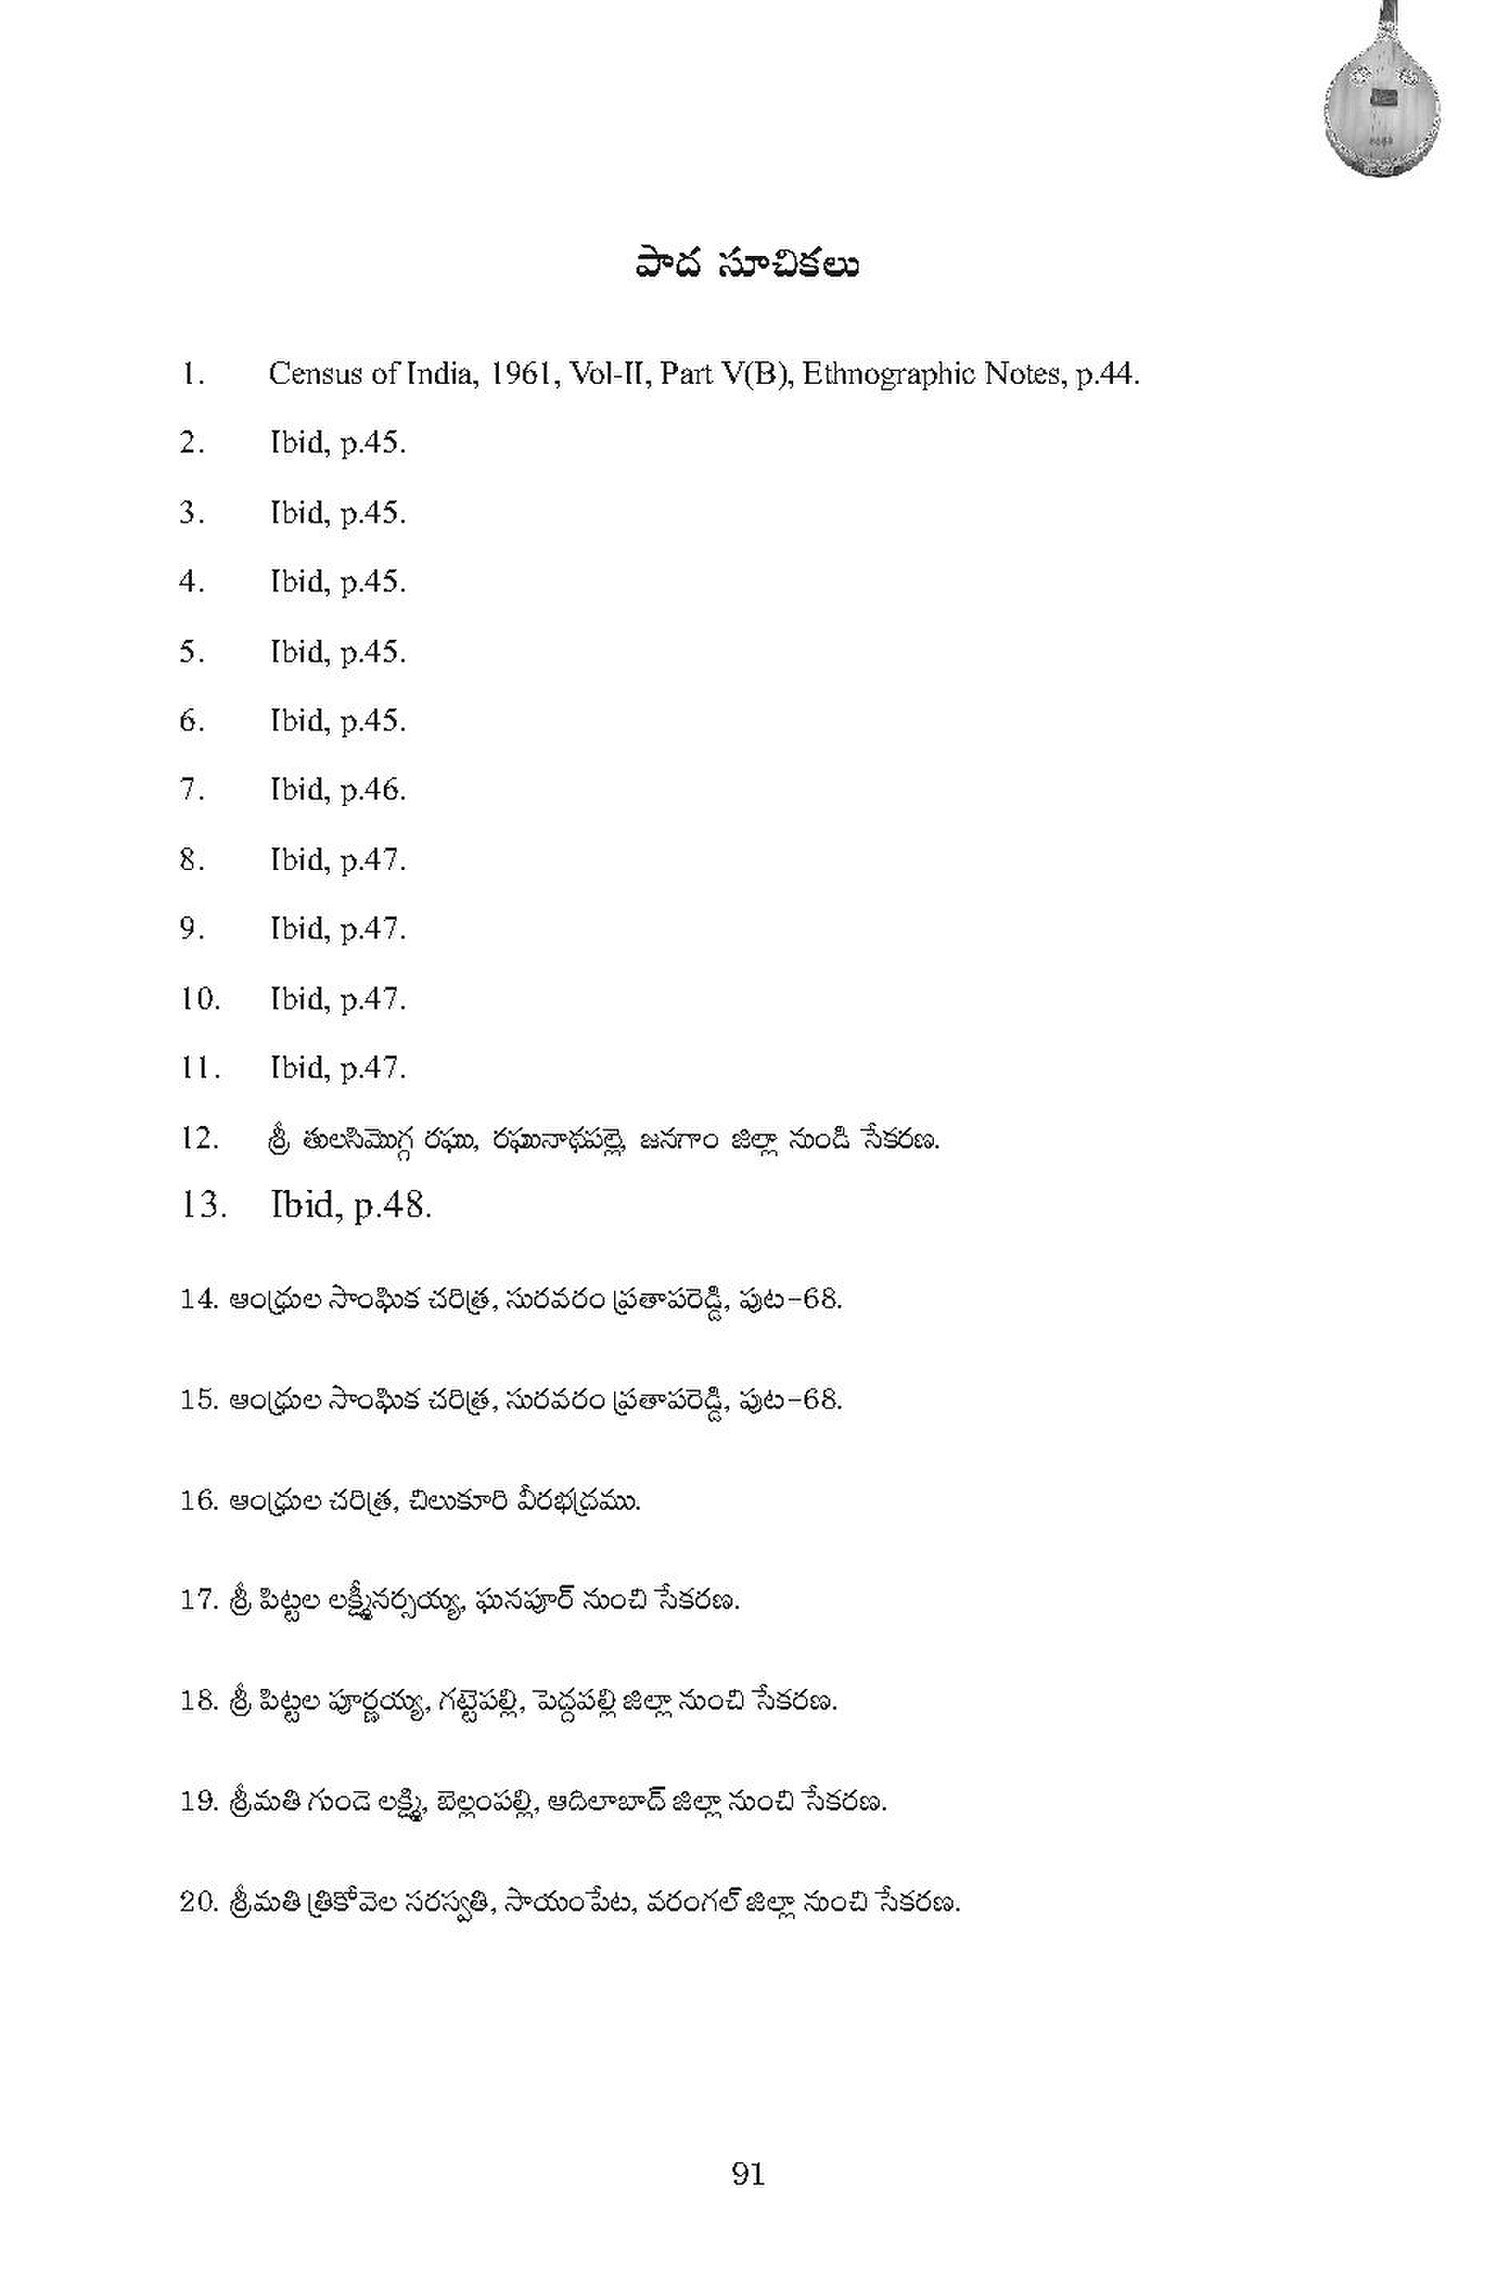1. Census of India, 1961, Vol-II, Part V(B), Ethnographic Notes, p.44.
2. Ibid, p.45.
3. Ibid, p.45.
4. Ibid, p.45.
5. Ibid, p.45.
6. Ibid, p.45.
7. Ibid, p.46.
8. Ibid, p.47.
9. Ibid, p.47.
10.Ibid, p.47.
11.Ibid, p.47.
12.శ్రీ తులసిమొగ్గ రఘు, రఘునాథపల్లె, జనగాం జిల్లా నుండి సేకరణ.
13. Ibid, p.48.
14. ఆంధ్రుల సాంఘిక చరిత్ర, సురవరం ప్రతాపరెడ్డి, పుట-68.
15. ఆంధ్రుల సాంఘిక చరిత్ర, సురవరం ప్రతాపరెడ్డి, పుట-68.
16. ఆంధ్రుల చరిత్ర, చిలుకూరి వీరభద్రము.
17. శ్రీ పిట్టల లక్ష్మీనర్సయ్య, ఘనపూర్ నుంచి సేకరణ.
18. శ్రీ పిట్టల పూర్ణయ్య, గట్టెపల్లి, పెద్దపల్లి జిల్లా నుంచి సేకరణ.
19. శ్రీమతి గుండె లక్ష్మి, బెల్లంపల్లి, ఆదిలాబాద్ జిల్లా నుంచి సేకరణ.
20. శ్రీమతి త్రికోవెల సరస్వతి, సాయంపేట, వరంగల్ జిల్లా నుంచి సేకరణ.